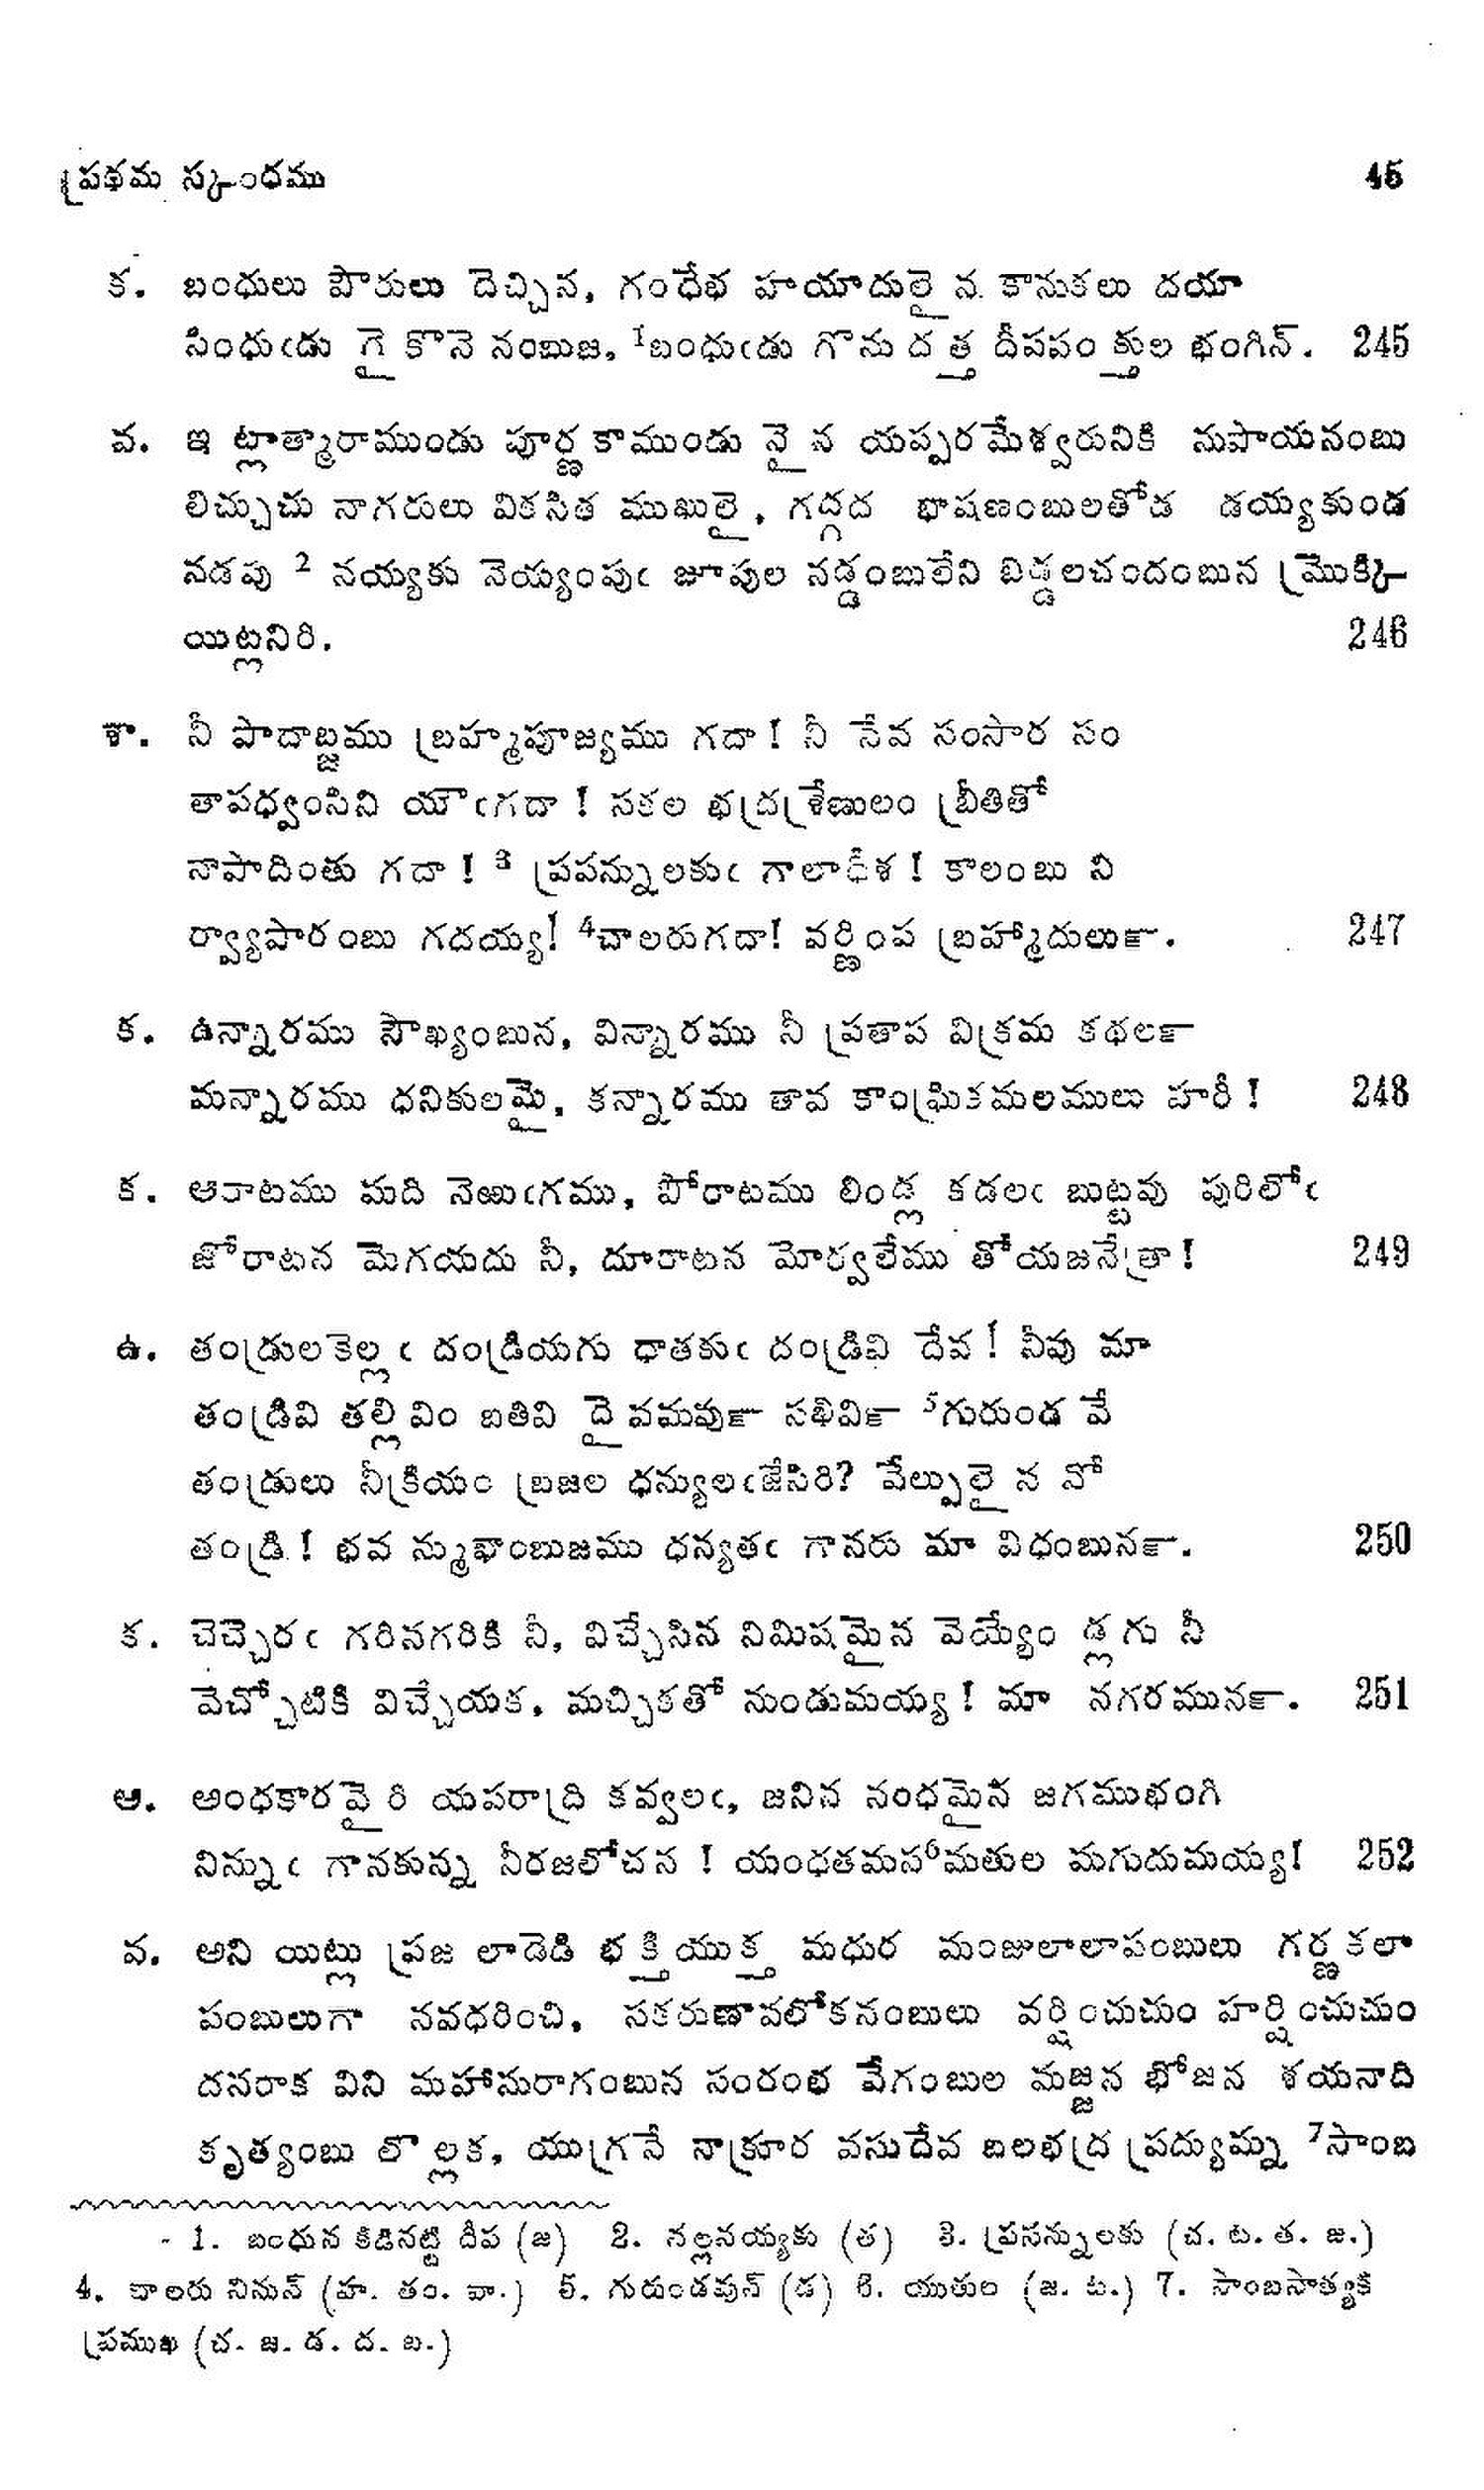45

క.

బంధులు పౌరులు దెచ్చిన

గంధేభ హయాదు లైన కానుకలు దయా

సింధుఁడుఁ గైకొనె నంబుజ

బంధుఁడు గొను దత్త దీపపంక్తుల భంగిన్‌. 245

వ.

ఇట్లాత్మారాముండు పూర్ణకాముండు నైన యప్పరమేశ్వరునికి నుపాయనంబు

లిచ్చుచు నాగరులు వికసిత ముఖులై గద్గద భాషణంబులతోడ డయ్యకుండ

నడపు నయ్యకు నెయ్యంపుఁ జూపుల నడ్డంబులేని బిడ్డలచందంబున మ్రొక్కి

యిట్లనిరి. 246

శా.

నీ పాదాబ్జము బ్రహ్మపూజ్యము గదా! నీ సేవ సంసార సం

తాప ధ్వంసినియౌఁ గదా! సకల భద్రశ్రేణులం బ్రీతితో

నాపాదింతు గదా! ప్రపన్నులకుఁ గాలాధీశ! కాలంబుని

ర్వ్యాపారంబు గదయ్య! చాలరుగదా! వర్ణింప బ్రహ్మాదులున్‌. 247

క.

ఉన్నారము సౌఖ్యంబున

విన్నారము నీ ప్రతాప విక్రమ కథలన్‌

మన్నారము ధనికులమై

కన్నారము తావక్రాంఘి కమలములు హరీ! 248

క.

ఆరాటము మది నెఱుఁగము

పోరాటము లిండ్లకడలఁ బుట్టవు పురిలోఁ

జోరాటన మెగయదు నీ

దూరాటన మోర్వలేము తోయజనేత్రా! 249

ఉ.

తండ్రులకెల్లఁ దండ్రియగుఁ ధాతకుఁ దండ్రివి దేవ! నీవు మా

తండ్రివి తల్లివిం బతివి దైవమవు¦ సఖివి¦ గురుండ వే

తండ్రులు నీక్రియం బ్రజల ధన్యులఁ జేసిరి? వేల్పులైన నో

తండ్రి! భవ న్ముఖాంబుజము ధన్యతఁ గానరు మా విధంబున¦. 250

క.

చెచ్చెరఁ గరినగరికి నీ

విచ్చేసిన నిమిషమైన వేయ్యేండ్లగు నీ

వెచ్చోటికి విచ్చేయక

మచ్చికతో నుండుమయ్య! మా నగరమునన్‌. 251

ఆ.

అంధకారవైరి యపరాద్రి కవ్వలఁ

జనిన నంధమైన జగము భంగి

నిన్నుఁ గానకున్న నీరజలోచన!

యంధతమస మతుల మగుదుమయ్య! 252

వ.

అని యిట్లు ప్రజ లాడెడి భక్తియుక్త మధుర మంజులాలాపంబులు గర్ణకలా

పంబులుగా నవధరించి, సకరుణావలోకనంబులు వర్షించుచు హర్షించుచుం

దనరాక విని మహానురాగంబున సంరంభ వేగంబుల మజ్జన భోజన శయనాది

కృత్యంబు లొల్లక, యుగ్రసేనాక్రూర వసుదేవ బలభద్ర ప్రద్యుమ్న సాంబ